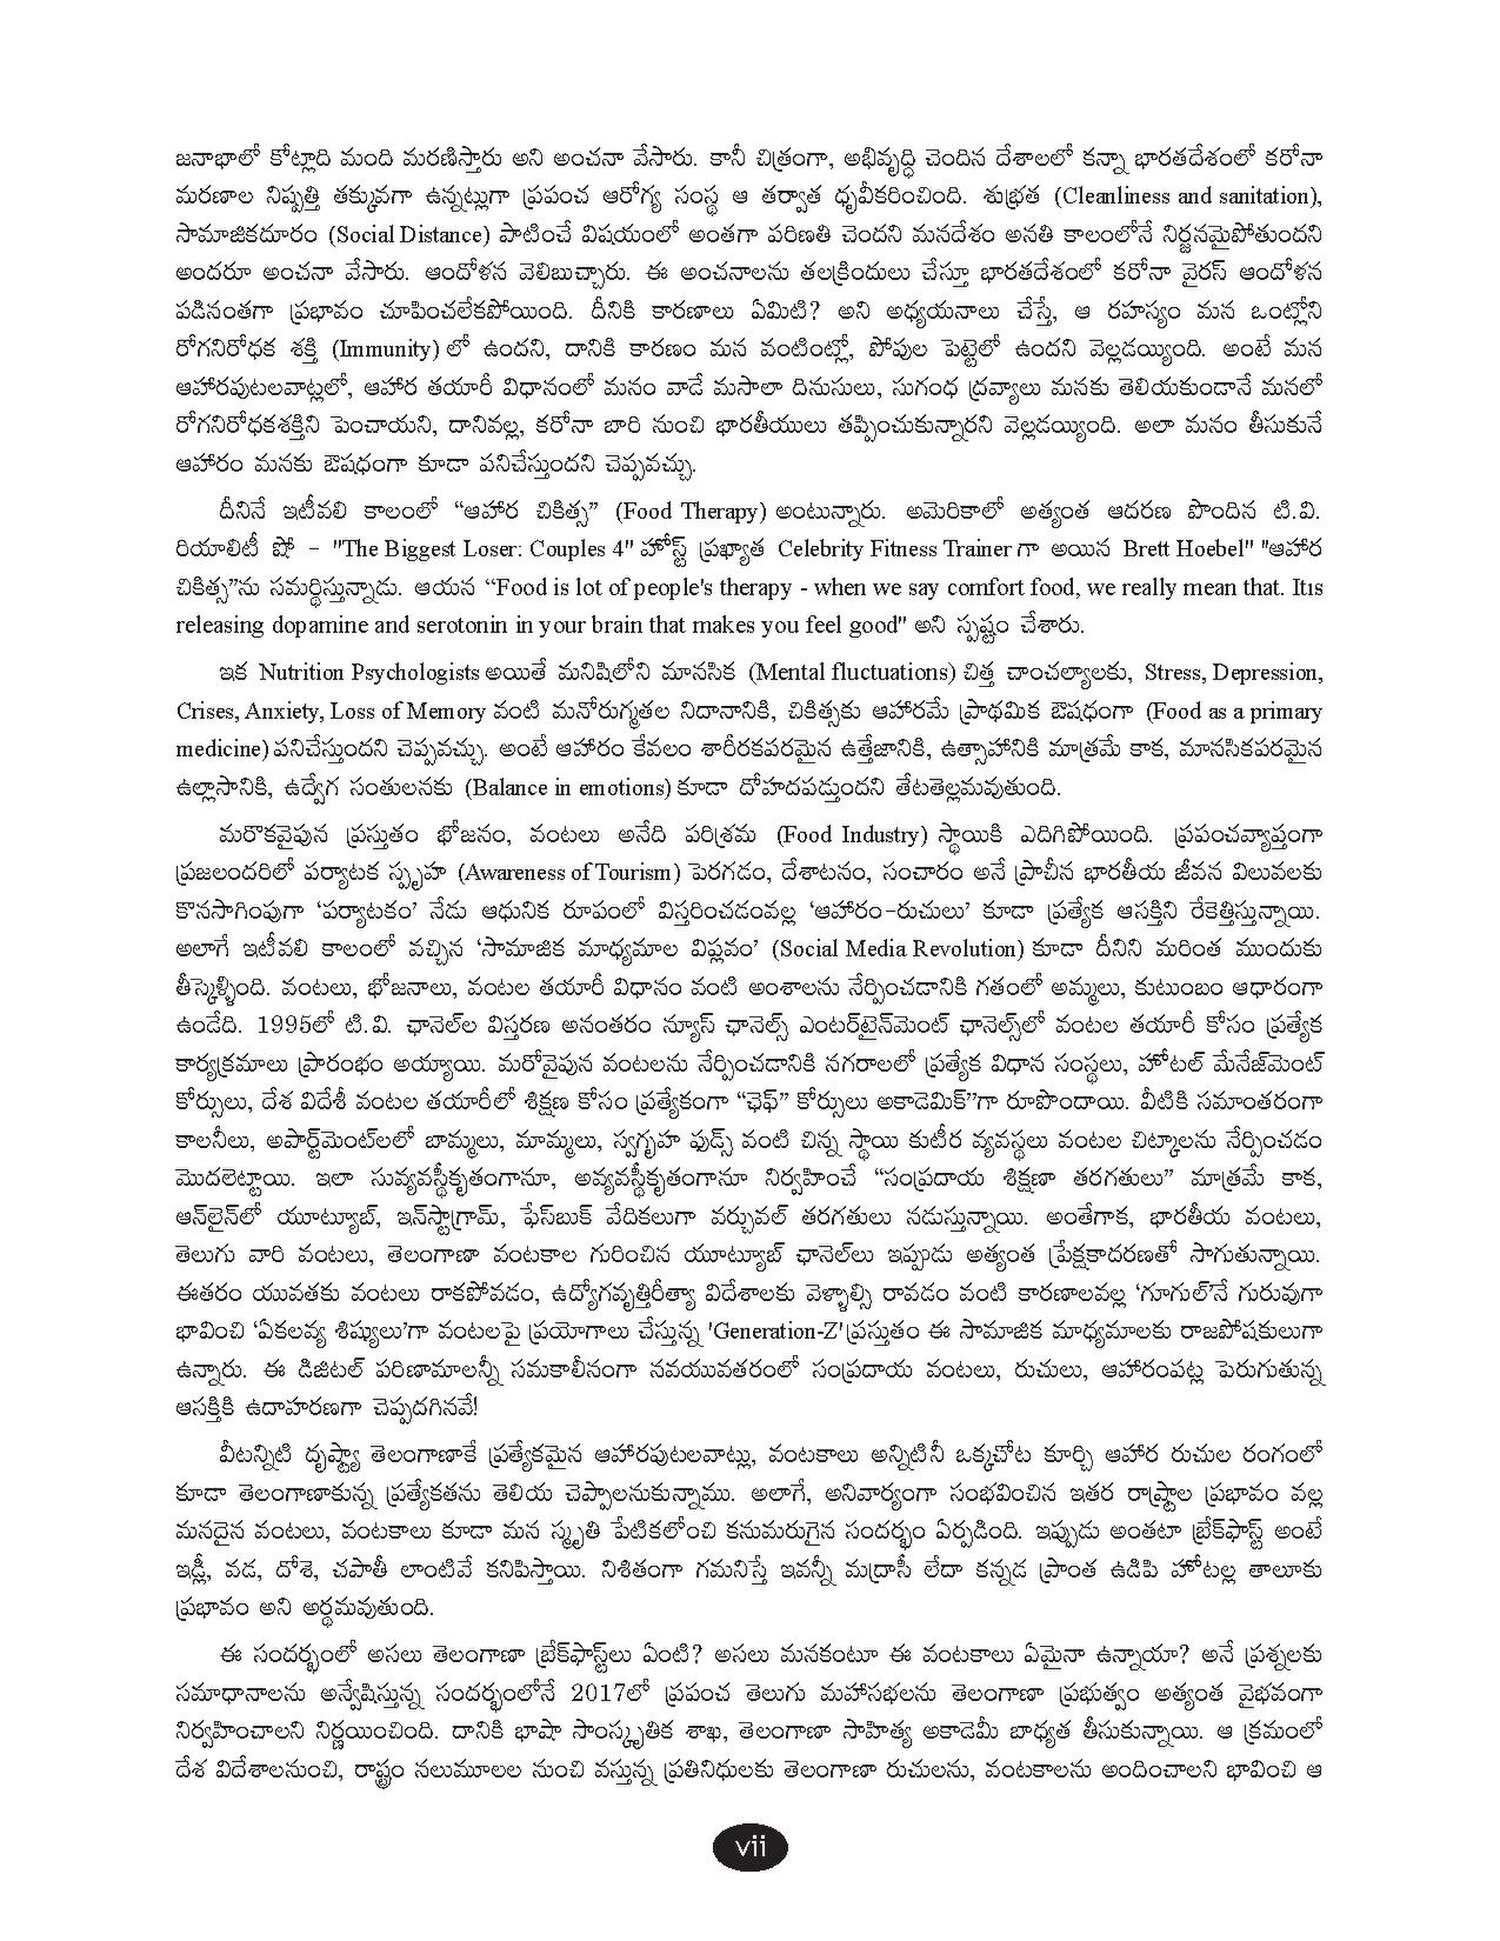జనాభాలో కోట్లాది మంది మరణిస్తారు అని అంచనా వేసారు. కానీ చిత్రంగా, అభివృద్ధి చెందిన దేశాలలో కన్నా భారతదేశంలో కరోనా మరణాల నిష్పత్తి తక్కువగా ఉన్నట్లుగా ప్రపంచ ఆరోగ్య సంస్థ ఆ తర్వాత ధృవీకరించింది. శుభ్రత (Cleanliness and sanitation), సామాజికదూరం (Social Distance) పాటించే విషయంలో అంతగా పరిణతి చెందని మనదేశం అనతి కాలంలోనే నిర్జనమైపోతుందని అందరూ అంచనా వేసారు. ఆందోళన వెలిబుచ్చారు. ఈ అంచనాలను తలక్రిందులు చేస్తూ భారతదేశంలో కరోనా వైరస్ ఆందోళన పడినంతగా ప్రభావం చూపించలేకపోయింది. దీనికి కారణాలు ఏమిటి? అని అధ్యయనాలు చేస్తే, ఆ రహస్యం మన ఒంట్లోని రోగనిరోధక శక్తి (Immunity) లో ఉందని, దానికి కారణం మన వంటింట్లో, పోపుల పెట్టెలో ఉందని వెల్లడయ్యింది. అంటే మన ఆహారపుటలవాట్లలో, ఆహార తయారీ విధానంలో మనం వాడే మసాలా దినుసులు, సుగంధ ద్రవ్యాలు మనకు తెలియకుండానే మనలో రోగనిరోధక శక్తిని పెంచాయని, దానివల్ల, కరోనా బారి నుంచి భారతీయులు తప్పించుకున్నారని వెల్లడయ్యింది. అలా మనం తీసుకునే ఆహారం మనకు ఔషధంగా కూడా పనిచేస్తుందని చెప్పవచ్చు.
-
దీనినే ఇటీవలి కాలంలో "ఆహార చికిత్స" (Food Therapy) అంటున్నారు. అమెరికాలో అత్యంత ఆదరణ పొందిన టి.వి. రియాలిటీ షో "The Biggest Loser: Couples 4" హోస్ట్ ప్రఖ్యాత Celebrity Fitness Trainer గా అయిన Brett Hoebel" "ఆహార చికిత్స”ను సమర్థిస్తున్నాడు. ఆయన “Food is lot of people's therapy - when we say comfort food, we really mean that. Itis releasing dopamine and serotonin in your brain that makes you feel good" అని స్పష్టం చేశారు.

ఇక Nutrition Psychologists అయితే మనిషిలోని మానసిక (Mental fluctuations) చిత్త చాంచల్యాలకు, Stress, Depression, Crises, Anxiety, Loss of Memory వంటి మనోరుగ్మతల నిదానానికి, చికిత్సకు ఆహారమే ప్రాథమిక ఔషధంగా (Food as a primary medicine) పనిచేస్తుందని చెప్పవచ్చు. అంటే ఆహారం కేవలం శారీరకపరమైన ఉత్తేజానికి, ఉత్సాహానికి మాత్రమే కాక, మానసికపరమైన ఉల్లాసానికి, ఉద్వేగ సంతులనకు (Balance in emotions) కూడా దోహదపడ్తుందని తేటతెల్లమవుతుంది. మరొకవైపున ప్రస్తుతం భోజనం, వంటలు అనేది పరిశ్రమ (Food Industry) స్థాయికి ఎదిగిపోయింది. ప్రపంచవ్యాప్తంగా ప్రజలందరిలో పర్యాటక స్పృహ (Awareness of Tourism) పెరగడం, దేశాటనం, సంచారం అనే ప్రాచీన భారతీయ జీవన విలువలకు కొనసాగింపుగా 'పర్యాటకం' నేడు ఆధునిక రూపంలో విస్తరించడంవల్ల 'ఆహారం - రుచులు' కూడా ప్రత్యేక ఆసక్తిని రేకెత్తిస్తున్నాయి. అలాగే ఇటీవలి కాలంలో వచ్చిన 'సామాజిక మాధ్యమాల విప్లవం' (Social Media Revolution) కూడా దీనిని మరింత ముందుకు తీస్కెళ్ళింది. వంటలు, భోజనాలు, వంటల తయారీ విధానం వంటి అంశాలను నేర్పించడానికి గతంలో అమ్మలు, కుటుంబం ఆధారంగా ఉండేది. 1995లో టి.వి. ఛానెల్ల విస్తరణ అనంతరం న్యూస్ ఛానెల్స్ ఎంటర్టైన్మెంట్ ఛానెల్స్లో వంటల తయారీ కోసం ప్రత్యేక కార్యక్రమాలు ప్రారంభం అయ్యాయి. మరోవైపున వంటలను నేర్పించడానికి నగరాలలో ప్రత్యేక విధాన సంస్థలు, హోటల్ మేనేజ్మెంట్ కోర్సులు, దేశ విదేశీ వంటల తయారీలో శిక్షణ కోసం ప్రత్యేకంగా “ఛెఫ్” కోర్సులు అకాడెమిక్"గా రూపొందాయి. వీటికి సమాంతరంగా కాలనీలు, అపార్ట్మెంట్లలో బామ్మలు, మామ్మలు, స్వగృహ ఫుడ్స్ వంటి చిన్న స్థాయి కుటీర వ్యవస్థలు వంటల చిట్కాలను నేర్పించడం మొదలెట్టాయి. ఇలా సువ్యవస్థీకృతం గానూ, అవ్యవస్థీకృతంగానూ నిర్వహించే "సంప్రదాయ శిక్షణా తరగతులు” మాత్రమే కాక, ఆన్లైన్ లో యూట్యూబ్, ఇన్స్టాగ్రామ్, ఫేస్బుక్ వేదికలుగా వర్చువల్ తరగతులు నడుస్తున్నాయి. అంతేగాక, భారతీయ వంటలు, తెలుగు వారి వంటలు, తెలంగాణా వంటకాల గురించిన యూట్యూబ్ ఛానెల్లు ఇప్పుడు అత్యంత ప్రేక్షకాదరణతో సాగుతున్నాయి. ఈతరం యువతకు వంటలు రాకపోవడం, ఉద్యోగవృత్తిరీత్యా విదేశాలకు వెళ్ళాల్సి రావడం వంటి కారణాలవల్ల 'గూగుల్నే గురువుగా భావించి 'ఏకలవ్య శిష్యులు'గా వంటలపై ప్రయోగాలు చేస్తున్న 'Generation-Z' ప్రస్తుతం ఈ సామాజిక మాధ్యమాలకు రాజపోషకులుగా ఉన్నారు. ఈ డిజిటల్ పరిణామాలన్నీ సమకాలీనంగా నవ యువతరంలో సంప్రదాయ వంటలు, రుచులు, ఆహారంపట్ల పెరుగుతున్న ఆసక్తికి ఉదాహరణగా చెప్పదగినవే!

వీటన్నిటి దృష్ట్యా తెలంగాణాకే ప్రత్యేకమైన ఆహారపుటలవాట్లు, వంటకాలు అన్నిటినీ ఒక్కచోట కూర్చి ఆహార రుచుల రంగంలో కూడా తెలంగాణాకున్న ప్రత్యేకతను తెలియ చెప్పాలనుకున్నాము. అలాగే, అనివార్యంగా సంభవించిన ఇతర రాష్ట్రాల ప్రభావం వల్ల మనదైన వంటలు, వంటకాలు కూడా మన స్మృతి పేటికలోంచి కనుమరుగైన సందర్భం ఏర్పడింది. ఇప్పుడు అంతటా బ్రేక్ఫాస్ట్ అంటే ఇడ్లీ, వడ, దోశె, చపాతీ లాంటివే కనిపిస్తాయి. నిశితంగా గమనిస్తే ఇవన్నీ మద్రాసీ లేదా కన్నడ ప్రాంత ఉడిపి హోటల్ల తాలూకు ప్రభావం అని అర్థమవుతుంది.

ఈ సందర్భంలో అసలు తెలంగాణా బ్రేక్ఫాస్ట్లు ఏంటి? అసలు మనకంటూ ఈ వంటకాలు ఏమైనా ఉన్నాయా? అనే ప్రశ్నలకు సమాధానాలను అన్వేషిస్తున్న సందర్భంలోనే 2017లో ప్రపంచ తెలుగు మహాసభలను తెలంగాణా ప్రభుత్వం అత్యంత వైభవంగా నిర్వహించాలని నిర్ణయించింది. దానికి భాషా సాంస్కృతిక శాఖ, తెలంగాణా సాహిత్య అకాడెమీ బాధ్యత తీసుకున్నాయి. ఆ క్రమంలో దేశ విదేశాలనుంచి, రాష్ట్రం నలుమూలల నుంచి వస్తున్న ప్రతినిధులకు తెలంగాణా రుచులను, వంటకాలను అందించాలని భావించి ఆ